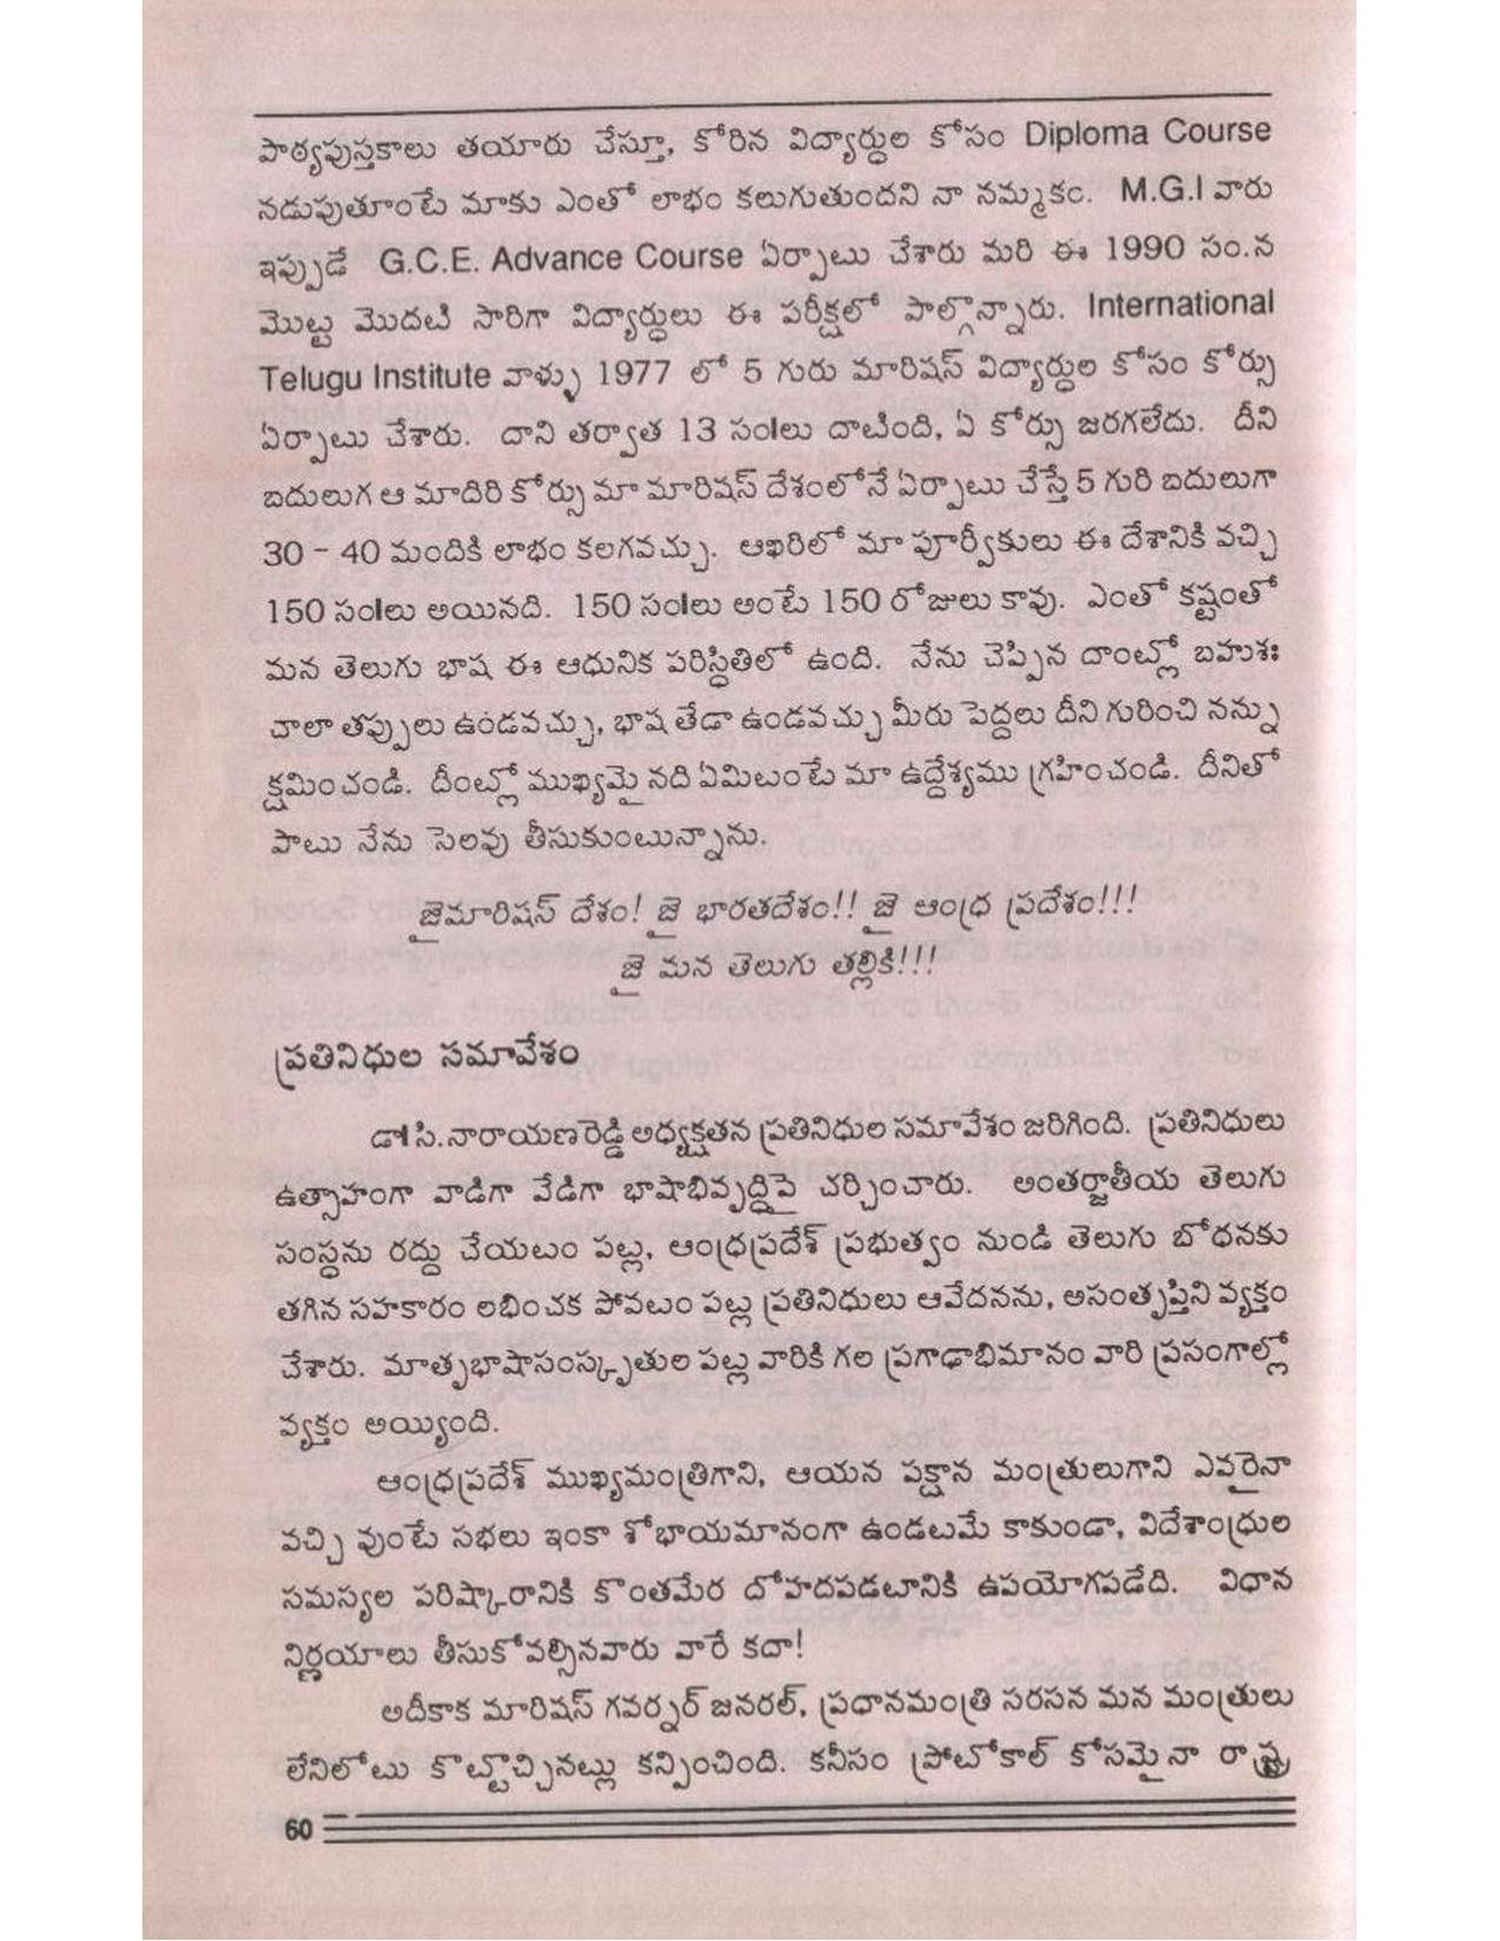పాఠ్యపుస్తకాలు తయారు చేస్తూ, కోరిన విద్యార్ధుల కోసం Diploma Course నడుపుతూంటే మాకు ఎంతో లాభం కలుగుతుందని నా నమ్మకం. M.G.I వారు ఇప్పుడే G.C.E. Advance Course ఏర్పాటు చేశారు మరి ఈ 1990 సం.న మొట్ట మొదటి సారిగా విద్యార్ధులు ఈ పరీక్షలో పాల్గొన్నారు. International Telugu Institute వాళ్ళు 1977 లో 5 గురు మారిషస్ విద్యార్ధుల కోసం కోర్సు ఏర్పాటు చేశారు. దాని తర్వాత 13 సం॥ లు దాటింది, ఏ కోర్సు జరగలేదు. దీని బదులుగ ఆ మాదిరి కోర్సుమా మారిషన్ దేశంలోనే ఏర్పాటు చేస్తే 5 గురి బదులుగా 30 - 40 మందికి లాభం కలగవచ్చు. ఆఖరిలో మా పూర్వీకులు ఈ దేశానికి వచ్చి 150 సం.లు అయినది. 150 సం.లు అంటే 150 రోజులు కావు. ఎంతో కష్టంతో మన తెలుగు భాష ఈ ఆధునిక పరిస్థితిలో ఉంది. నేను చెప్పిన దాంట్లో బహుశః చాలా తప్పులు ఉండవచ్చు, భాష తేడా ఉండవచ్చు మీరు పెద్దలు దీని గురించి నన్ను క్షమించండి. దీంట్లో ముఖ్యమైనది ఏమిటంటే మా ఉద్దేశ్యము గ్రహించండి. దీనితో పాటు నేను సెలవు తీసుకుంటున్నాను.

ప్రతినిధుల సమావేశం

డా.సి.నారాయణరెడ్డి అధ్యక్షతన ప్రతినిధుల సమావేశం జరిగింది. ప్రతినిధులు ఉత్సాహంగా వాడిగా వేడిగా భాషాభివృద్ధిపై చర్చించారు. అంతర్జాతీయ తెలుగు సంస్థను రద్దు చేయటం పట్ల, ఆంధ్రప్రదేశ్ ప్రభుత్వం నుండి తెలుగు బోధనకు తగిన సహకారం లభించక పోవటం పట్ల ప్రతినిధులు ఆవేదనను, అసంతృప్తిని వ్యక్తం చేశారు. మాతృభాషాసంస్కృతుల పట్ల వారికి గల ప్రగాడాభిమానం వారి ప్రసంగాల్లో వ్యక్తం అయ్యింది.

ఆంధ్రప్రదేశ్ ముఖ్యమంత్రిగాని, ఆయన పక్షాన మంత్రులుగాని ఎవరైనా వచ్చి వుంటే సభలు ఇంకా శోభాయమానంగా ఉండటమే కాకుండా, విదేశాంద్రుల సమస్యల పరిష్కారానికి కొంతమేర దోహదపడటానికి ఉపయోగపడేది. విధాన నిర్ణయాలు తీసుకోవల్సినవారు వారే కదా!

అదీకాక మారిషస్ గవర్నర్ జనరల్ ప్రధానమంత్రి సరసన మన మంత్రులు లేనిలోటు కొట్టొచ్చినట్లు కన్పించింది. కనీసం ప్రోటోకాల్ కోసమైనా రాష్ట్ర